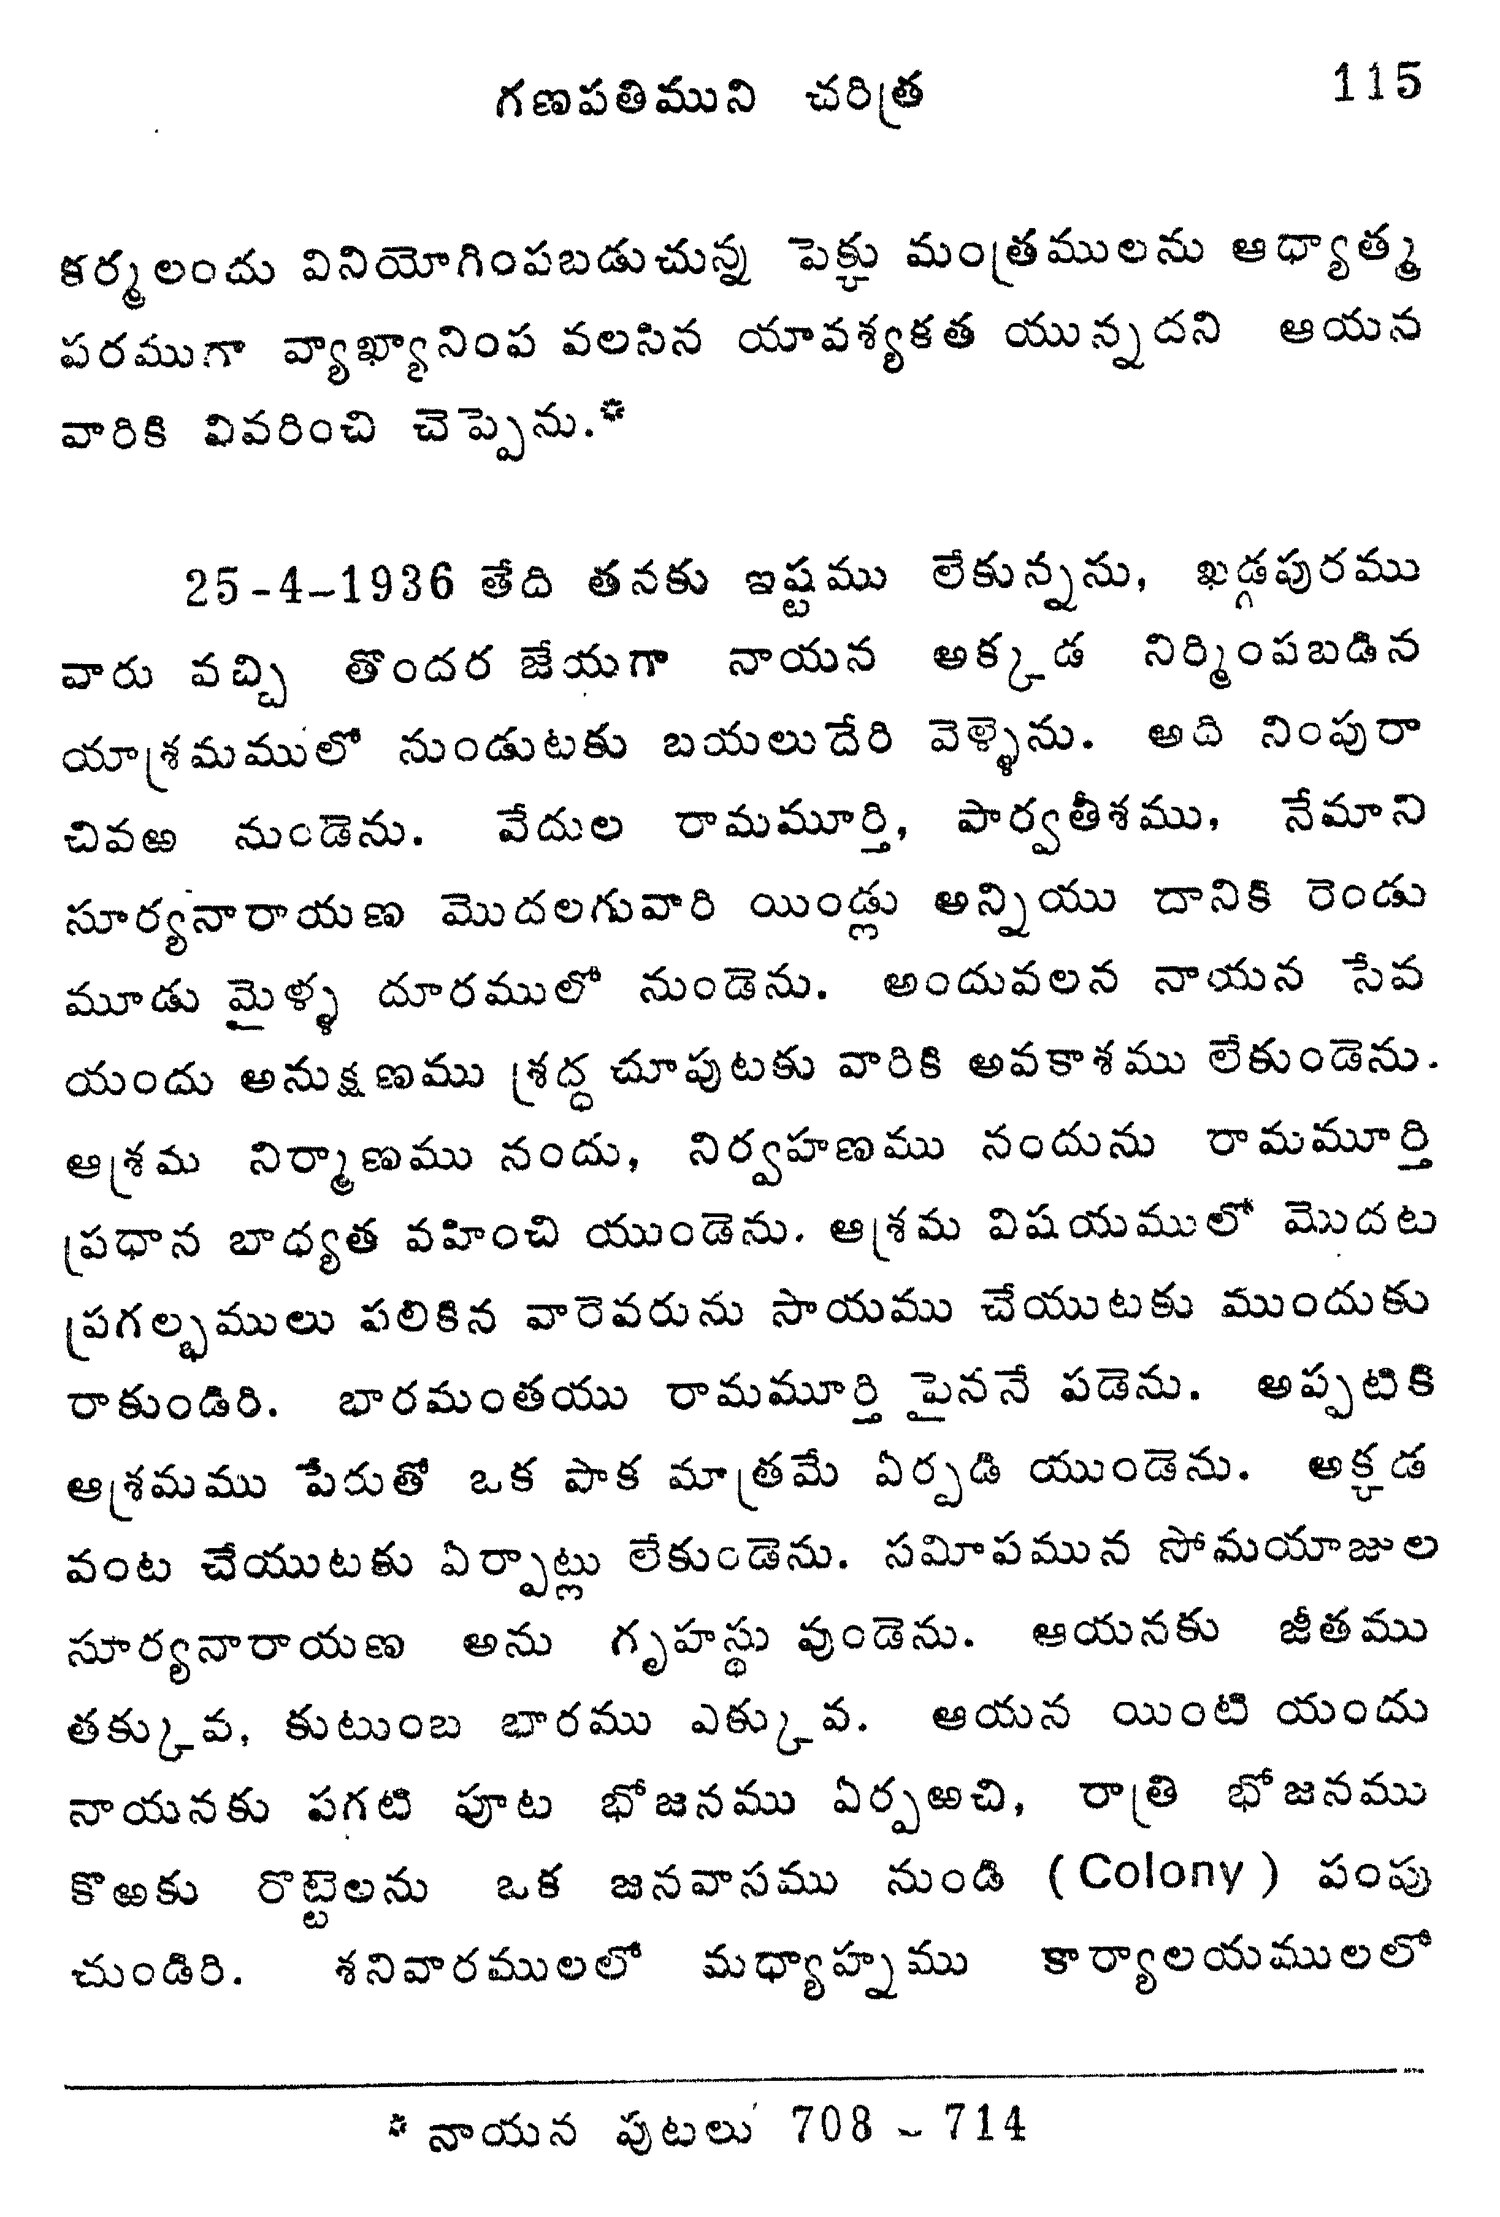కర్మలందు వినియోగింపబడుచున్న పెక్కు మంత్రములను ఆధ్యాత్మ పరముగా వ్యాఖ్యానింప వలసిన యావశ్యకత యున్నదని ఆయన వారికి వివరించి చెప్పెను.*

25-4-1936 తేది తనకు ఇష్టము లేకున్నను, ఖడ్గపురము వారు వచ్చి తొందర జేయగా నాయన అక్కడ నిర్మింపబడిన యాశ్రమములో నుండుటకు బయలుదేరి వెళ్ళెను. అది నింపురా చివఱ నుండెను. వేదుల రామమూర్తి, పార్వతీశము, నేమాని సూర్యనారాయణ మొదలగువారి యిండ్లు అన్నియు దానికి రెండు మూడు మైళ్ళ దూరములో నుండెను. అందువలన నాయన సేవ యందు అనుక్షణము శ్రద్ద చూపుటకు వారికి అవకాశము లేకుండెను. ఆశ్రమ నిర్మాణము నందు, నిర్వహణము నందును రామమూర్తి ప్రధాన భాధ్యత వహించి యుండెను. ఆశ్రమ విషయములలో మొదట ప్రగల్భములు పలికిన వారెవరును సాయము చేయుటకు ముందుకు రాకుండిరి. భారమంతయు రామమూర్తి పైననే పడెను. అప్పటికి ఆశ్రమము పేరుతో ఒక పాక మాత్రమే ఏర్పడి యుండెను. అక్కడ వంట చేయుటకు ఏర్పాట్లు లేకుండెను. సమీపమున సోమయాజుల సూర్యనారాయణ అను గృహస్థు వుండెను. ఆయనకు జీతము తక్కువ, కుటుంబ భారము ఎక్కువ. ఆయన యింటి యందు నాయనకు పగటి పూట భోజనము ఏర్పఱచి, రాత్రిభోజనము కొఱకు రొట్టెలను ఒక జనవాసము నుండి (colony) పంపు చుండిరి. శనివారములలో మధ్యాహ్నము కార్యాలయములలో